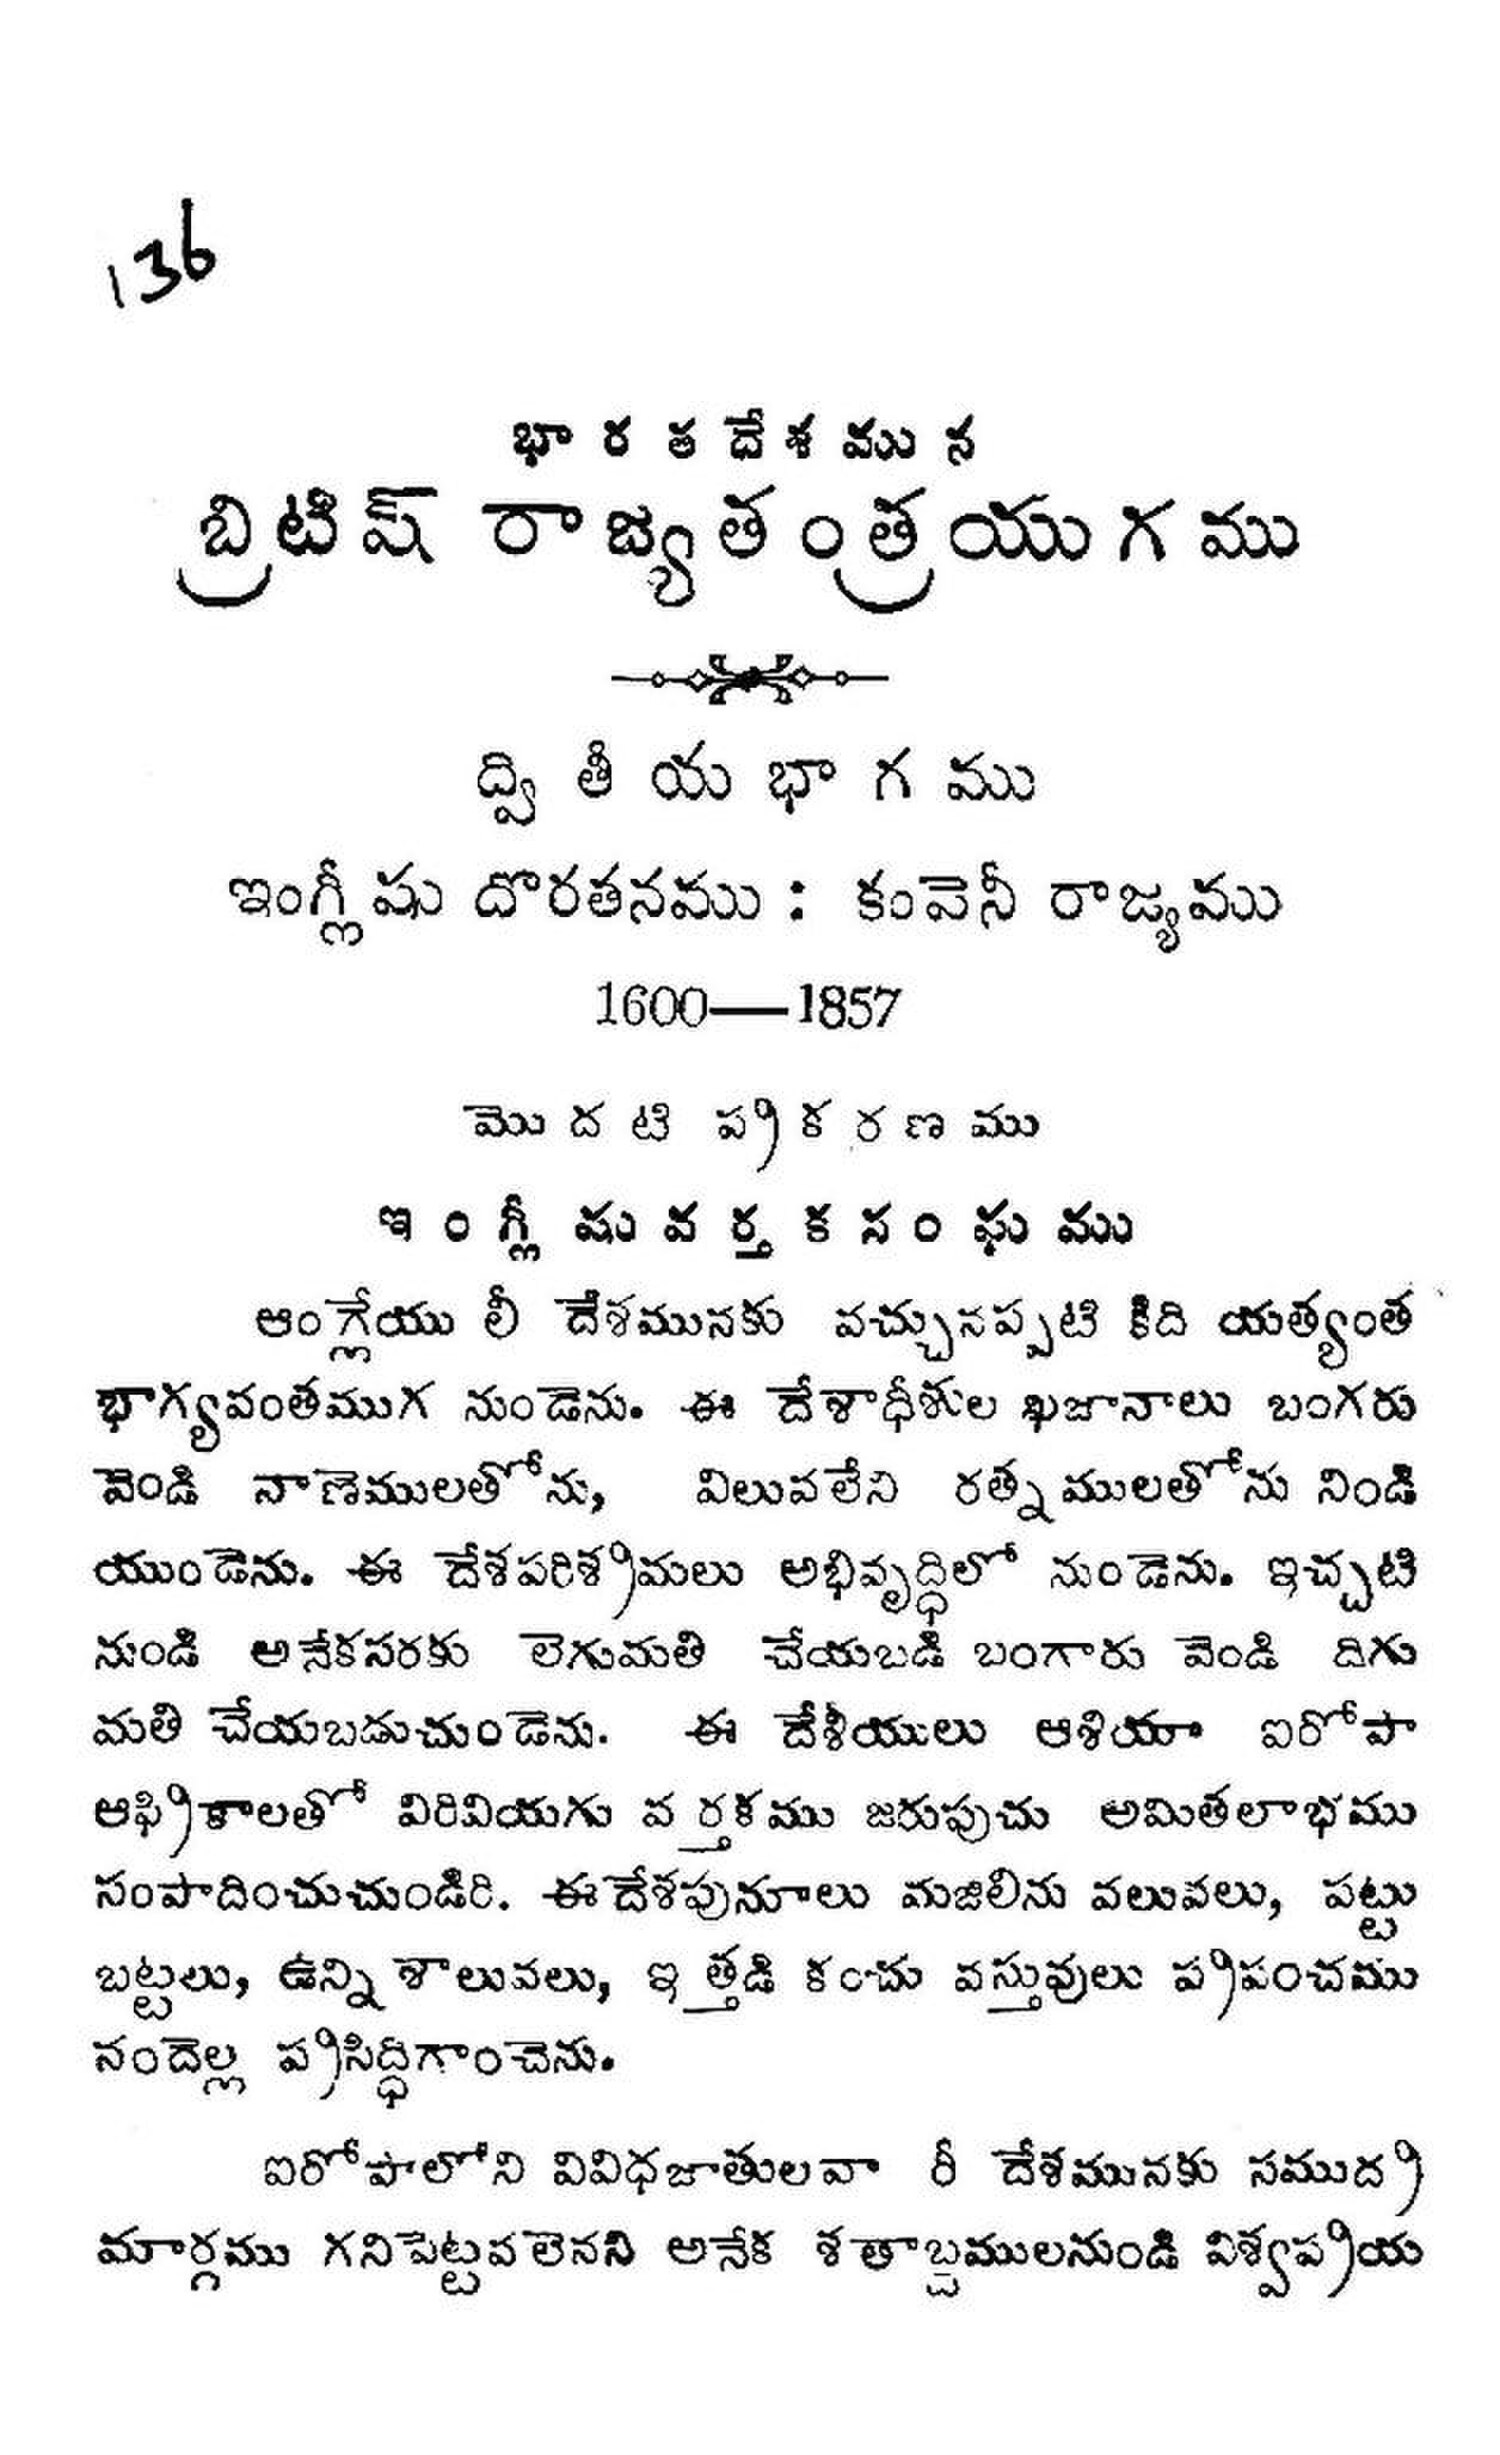భారతదేశమున
బ్రిటిష్ రాజ్యతంత్రయుగము
ద్వితీయ భాగము 
ఇంగ్లీషు దొరతనము : కంపెనీ రాజ్యము
1600 – 1857 
మొదటి ప్రకరణము 
ఇంగ్లీషువర్తకసంఘము 

ఆంగ్లేయు లీ దేశమునకు వచ్చునప్పటి కిది యత్యంత భాగ్యవంతముగ నుండెను. ఈ దేశాధీశుల ఖజానాలు బంగారు వెండి నాణెములతోను, విలువలేని రత్నములతోను నిండియుండెను. ఈ దేశపరిశ్రమలు అభివృద్ధిలో నుండెను. ఇచ్చటి నుండి అనేకసరకు లెగుమతి చేయబడి బంగారు వెండి దిగుమతి చేయబడుచుండెను. ఈ దేశీయులు ఆశియా ఐరోపా ఆఫ్రికాలతో విరివియగు వర్తకము జరుపుచు అమితలాభము సంపాదించుచుండిరి. ఈ దేశపునూలు మజిలిను వలువలు, పట్టుబట్టలు, ఉన్ని శాలువలు, ఇత్తడి కంచు వస్తువులు ప్రపంచము నందెల్ల ప్రసిద్ధిగాంచెను. 

ఐరోపాలోని వివిధ జాతులవా రీ దేశమునకు సముద్రమార్గము గనిపెట్టవలెనని అనేక శతాబ్దములనుండి విశ్వప్రయ